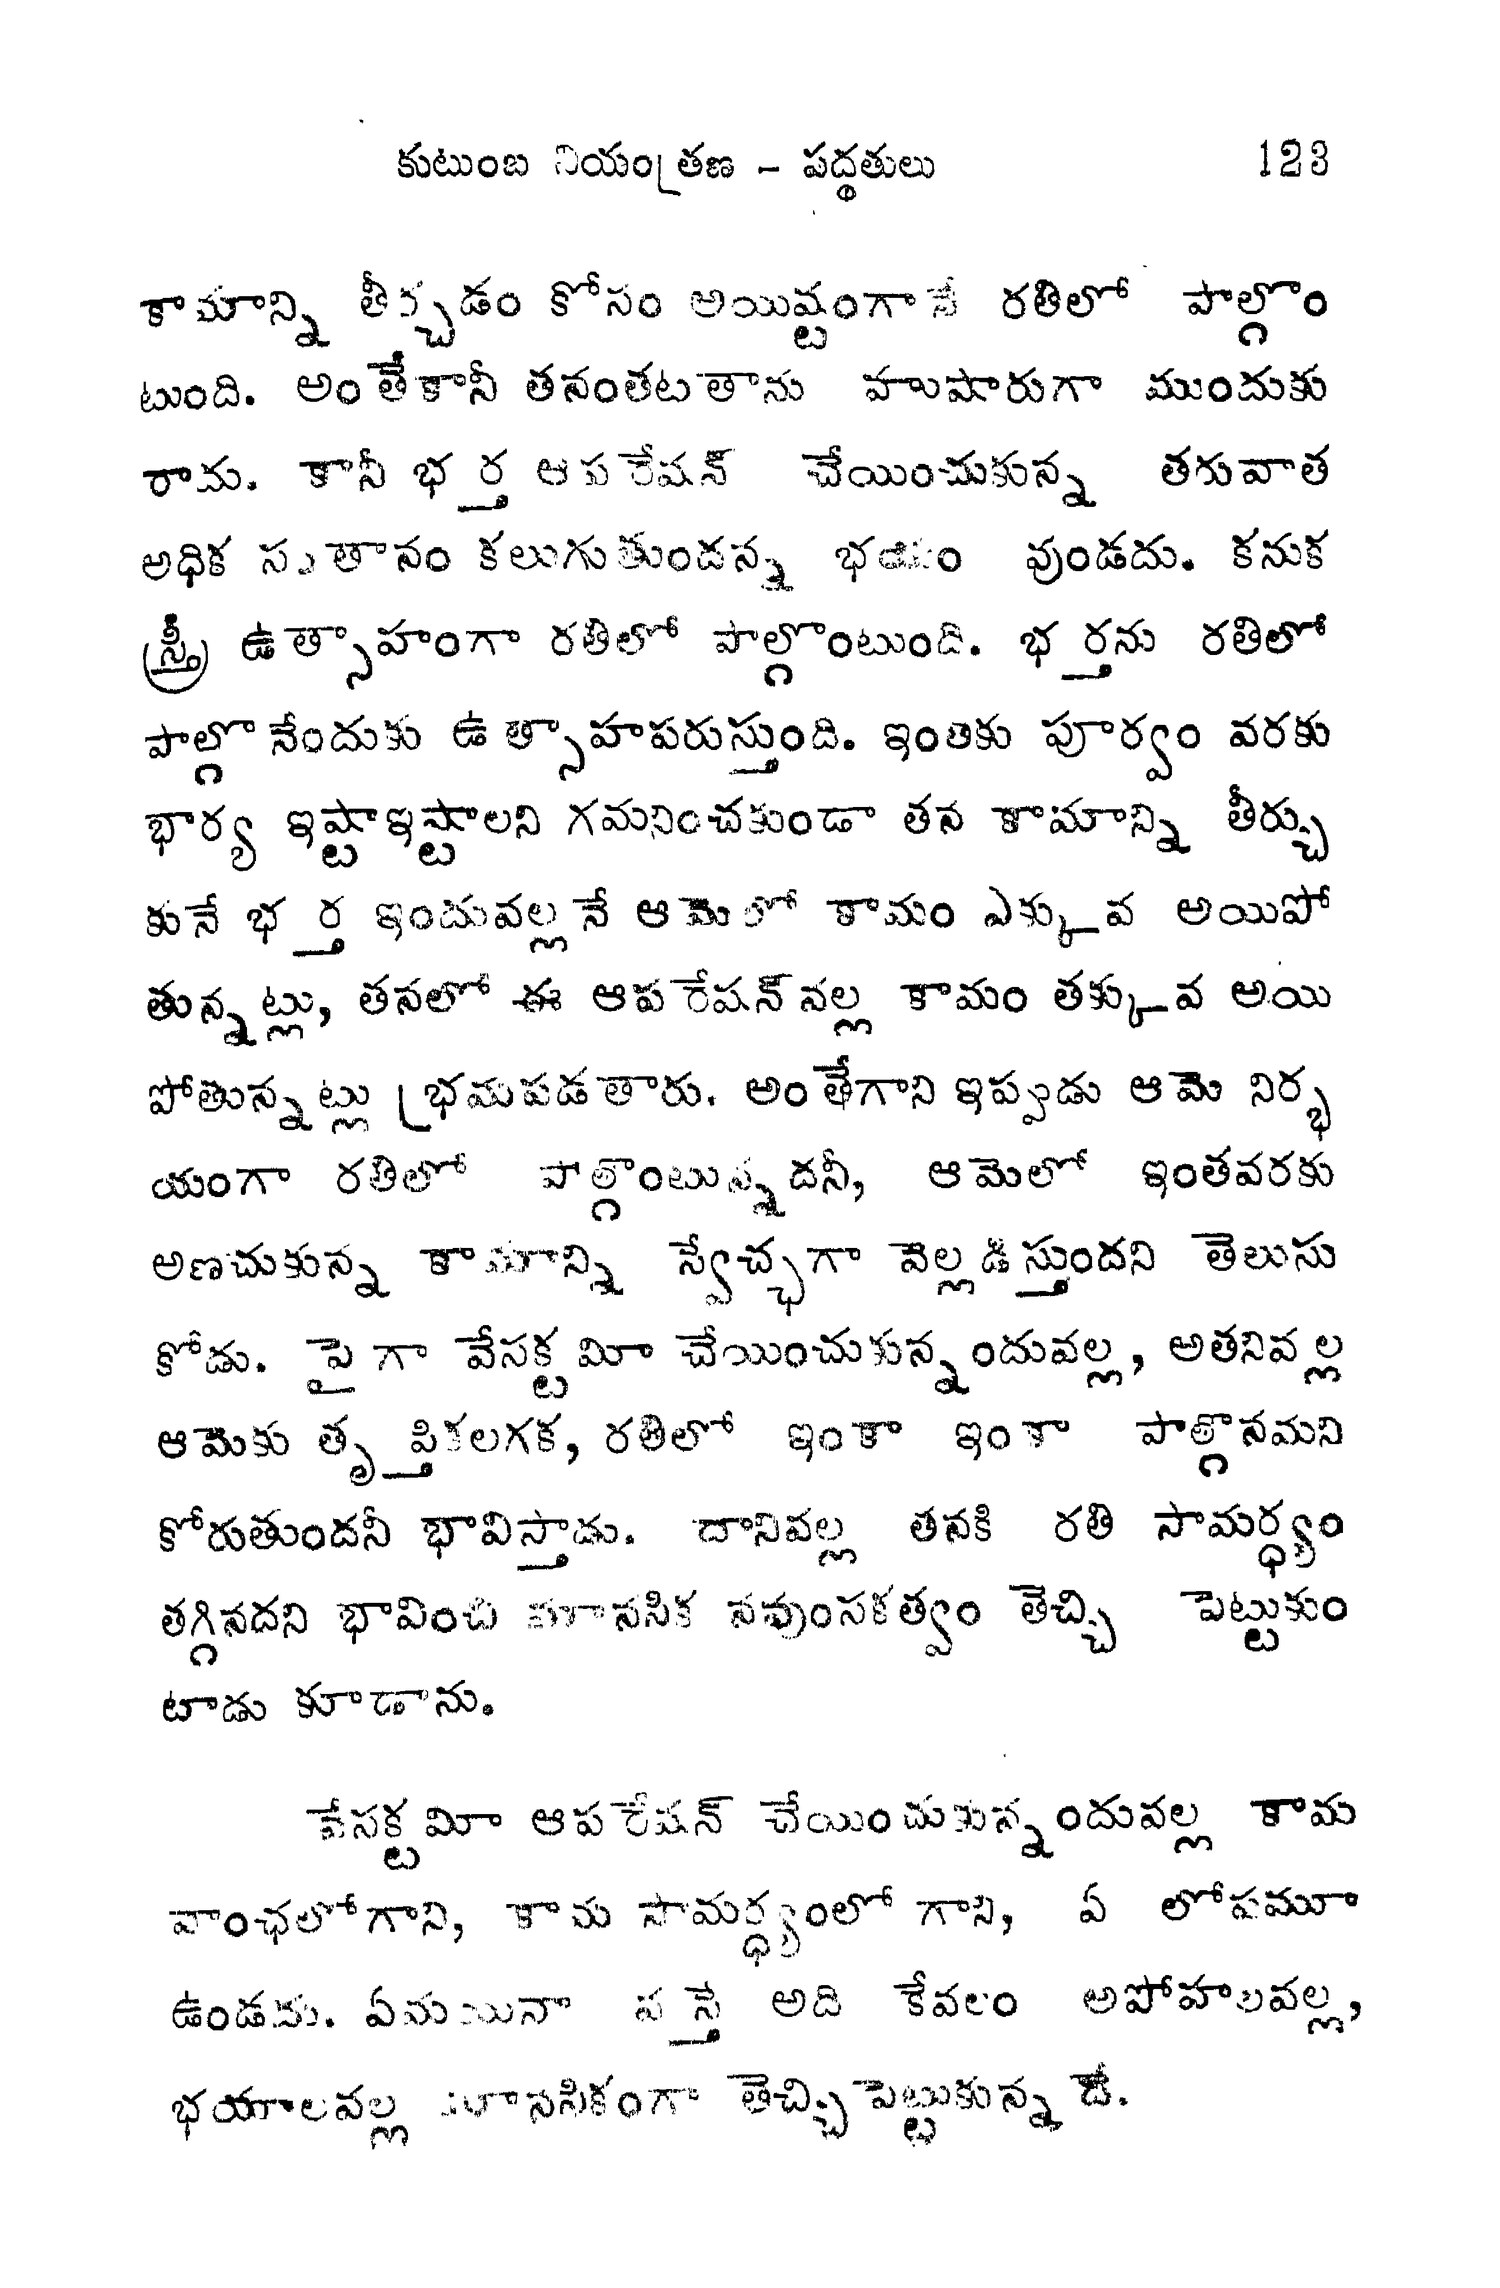కామాన్ని తీర్చడం కోసం అయిష్టంగానే రతిలో పాల్గొంటుంది. అంతేకానీ తనంతటతాను హుషారుగా ముందుకు రాదు. కానీ భర్త ఆపరేషన్ చేయించుకున్న తరువాత అధిక సంతానం కలుగుతుందన్న భయం వుండదు. కనుక స్త్రీ ఉత్సాహంగా రతిలో పాల్గొంటుంది. భర్తను రతిలో పాల్గొనేందుకు ఉత్సాహపరుస్తుంది. ఇంతకు పూర్వం వరకు భార్య ఇష్టాఇష్టాలని గమనించకుండా తన కామాన్ని తీర్చుకునే భర్త ఇందువల్లనే ఆమెలో కామం ఎక్కువ అయిపోతున్నట్లు, తనలో ఈ ఆపరేషన్‌వల్ల కామం తక్కువ అయి పోతున్నట్లు భ్రమపడతారు. అంతేగాని ఇప్పుడు ఆమె నిర్భయంగా రతిలొ పాల్గొంటున్నదనీ, ఆమెలో ఇంతవరకు అణచుకున్న కామాన్ని స్వెచ్ఛగా వెల్లడిస్తుందని తెలుసుకోడు. పైగా వేసక్టమీ ఛెయించుకున్నందువల్ల, అతనివల్ల ఆమెకు తృప్తికలగక, రతిలో ఇంకా ఇంకా పాల్గొనమని కోరుతుందని భావిస్తాడు. దానివల్ల తనకి రతి సామర్ధ్యం తగ్గినదని భావించి మానసిక నపుంసకత్వం తెచ్చి పెట్టుకుంటాడు కూడాను.

వేసక్టమీ ఆపరేషన్ చేయించుకున్నందువల్ల కామ వాంఛలోగాని, కామ సామర్ధ్యంలో గాని, ఏ లోపమూ ఉండదు. ఏమయినా వస్తే అది కేవలం ఆపోహలవల్ల, భయాలవల్ల మానసికంగా తెచ్చిపెట్టుకున్నదే.